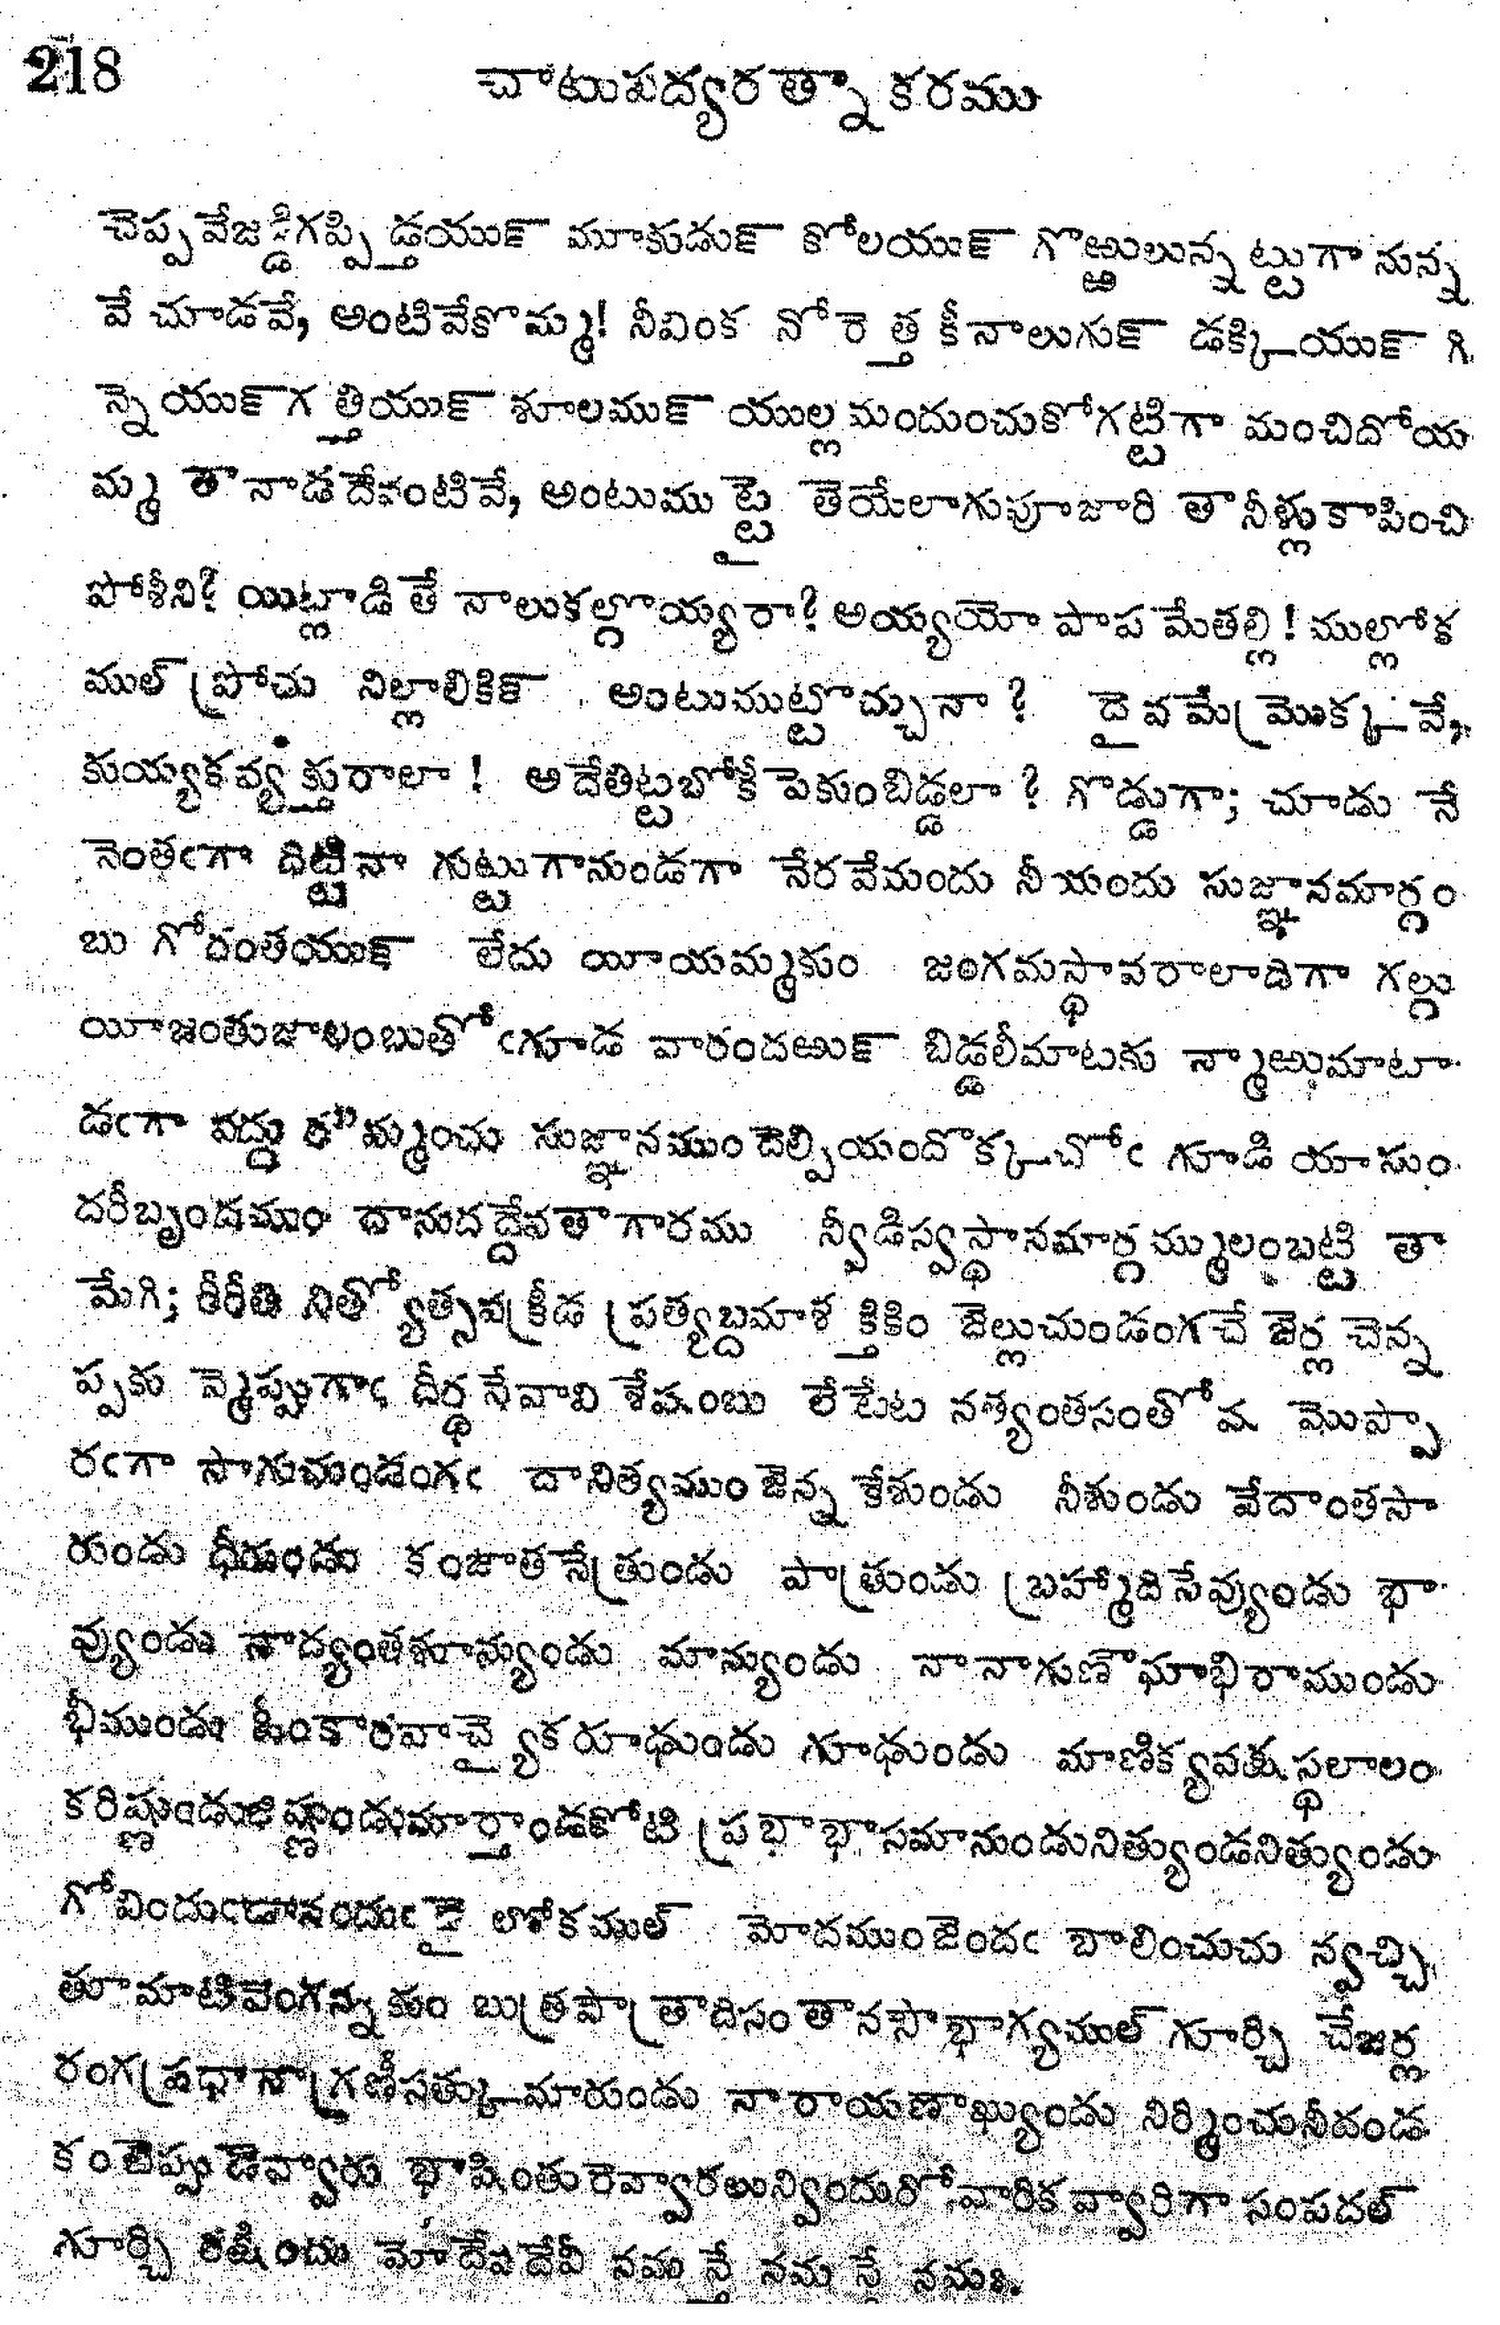చెప్పవే జడ్డిగప్పిడ్తయున్ మూకుడున్ కోలయున్ గొఱ్ఱు లున్నట్టుగా నున్న
వే చూడవే, అంటివేకొమ్మ! నీవింక నోరెత్త కీ నాలుగున్ డక్కియున్ గి
న్నెయున్ గత్తియున్ శూలమున్ యుల్లమం దుంచుకో గట్టిగా మంచి దోయ
మ్మ తా నాడదేవంటివే, అంటుముట్టైతె యేలాగు పూజారి తా నీళ్ళు కాపించి
పోశీని? యిట్లాడితే నాలుగ ల్గొయ్యరా? అయ్యయో పాపమే తల్లి! ముల్లోక
ముల్ ప్రోచు నిల్లాలికిన్ అంటుముట్టొచ్చునా? దైవమే మ్రొక్కవే,
కుయ్యకవ్యక్తురాలా! అదే తిట్టబో కీపెకుం బిడ్డలా? గొడ్డుగా; చూడు నే
నెంతఁగా దిట్టినా గుట్టుగా నుండగా నేరవేమందు నీయందు సుజ్ఞానమార్గం
బు గోరంతయున్ లేదు యీయమ్మకుం జంగమస్థావరాలాదిగా గల్గు
యీజంతుజాలంబుతోఁ గూడ వారందఱున్ బిడ్డ లీమాటకు న్మాఱుమాటా
డఁగా వద్దు ర”మ్మంచు సుజ్ఞానముం దెల్పి యందొక్కచోఁ గూడి యాసుం
దరీబృందముం దాను దద్దేవతాగారము న్వీడి స్వస్థానమార్గమ్ములం బట్టి తా
మేగి; రీరీతి నిత్యోత్సవక్రీడ ప్రత్యబ్ద మాశక్తికిం జెల్లుచుండంగ చేజెర్ల చెన్న
ప్పకు న్మెప్పుగాఁ దీర్థసేవావిశేషంబు లేటేట నత్యంతసంతోష మొప్పా
రఁగా సాగుచుండంగఁ దానిత్యముం జెన్నకేశుండు నీశుండు వేదాంతసా
రుండు ధీరుండు కంజాతనేత్రుండు పాత్రుండు బ్రహ్మాదిసేవ్యుండు భా
వ్యుండు నాద్యంతశూన్యుండు మాన్యుండు నానాగుణౌఘాభిరాముండు
భీముండు ఓంకారవాచ్యైకరూఢుండు గూఢుండు మాణిక్యవక్షస్థలాలం
కరిష్ణుండు జిష్ణుండు మార్తాండకోటిప్రభాభాసమానుండు నిత్యుం డనిత్యుండు
గోవిందుఁ డానందుఁడై లోకముల్ మోదముం జెందఁ బాలించుచు న్వచ్చి
తూమాటి వెంగన్నకుం బుత్రపౌత్రాదిసంతానసౌభాగ్యముల్ గూర్చి చేజెర్ల
రంగప్రధానాగ్రణీసత్కుమారుండు నారాయణాఖ్యుండు నిర్మించు నీదండ
కం బెప్పు డెవ్వారు భాషింతు రెవ్వారలు న్విందురో వారి కవ్వారిగా సంపదల్
గూర్చి రక్షించు మో దేవదేవీ నమస్తే నమస్తే నమః.